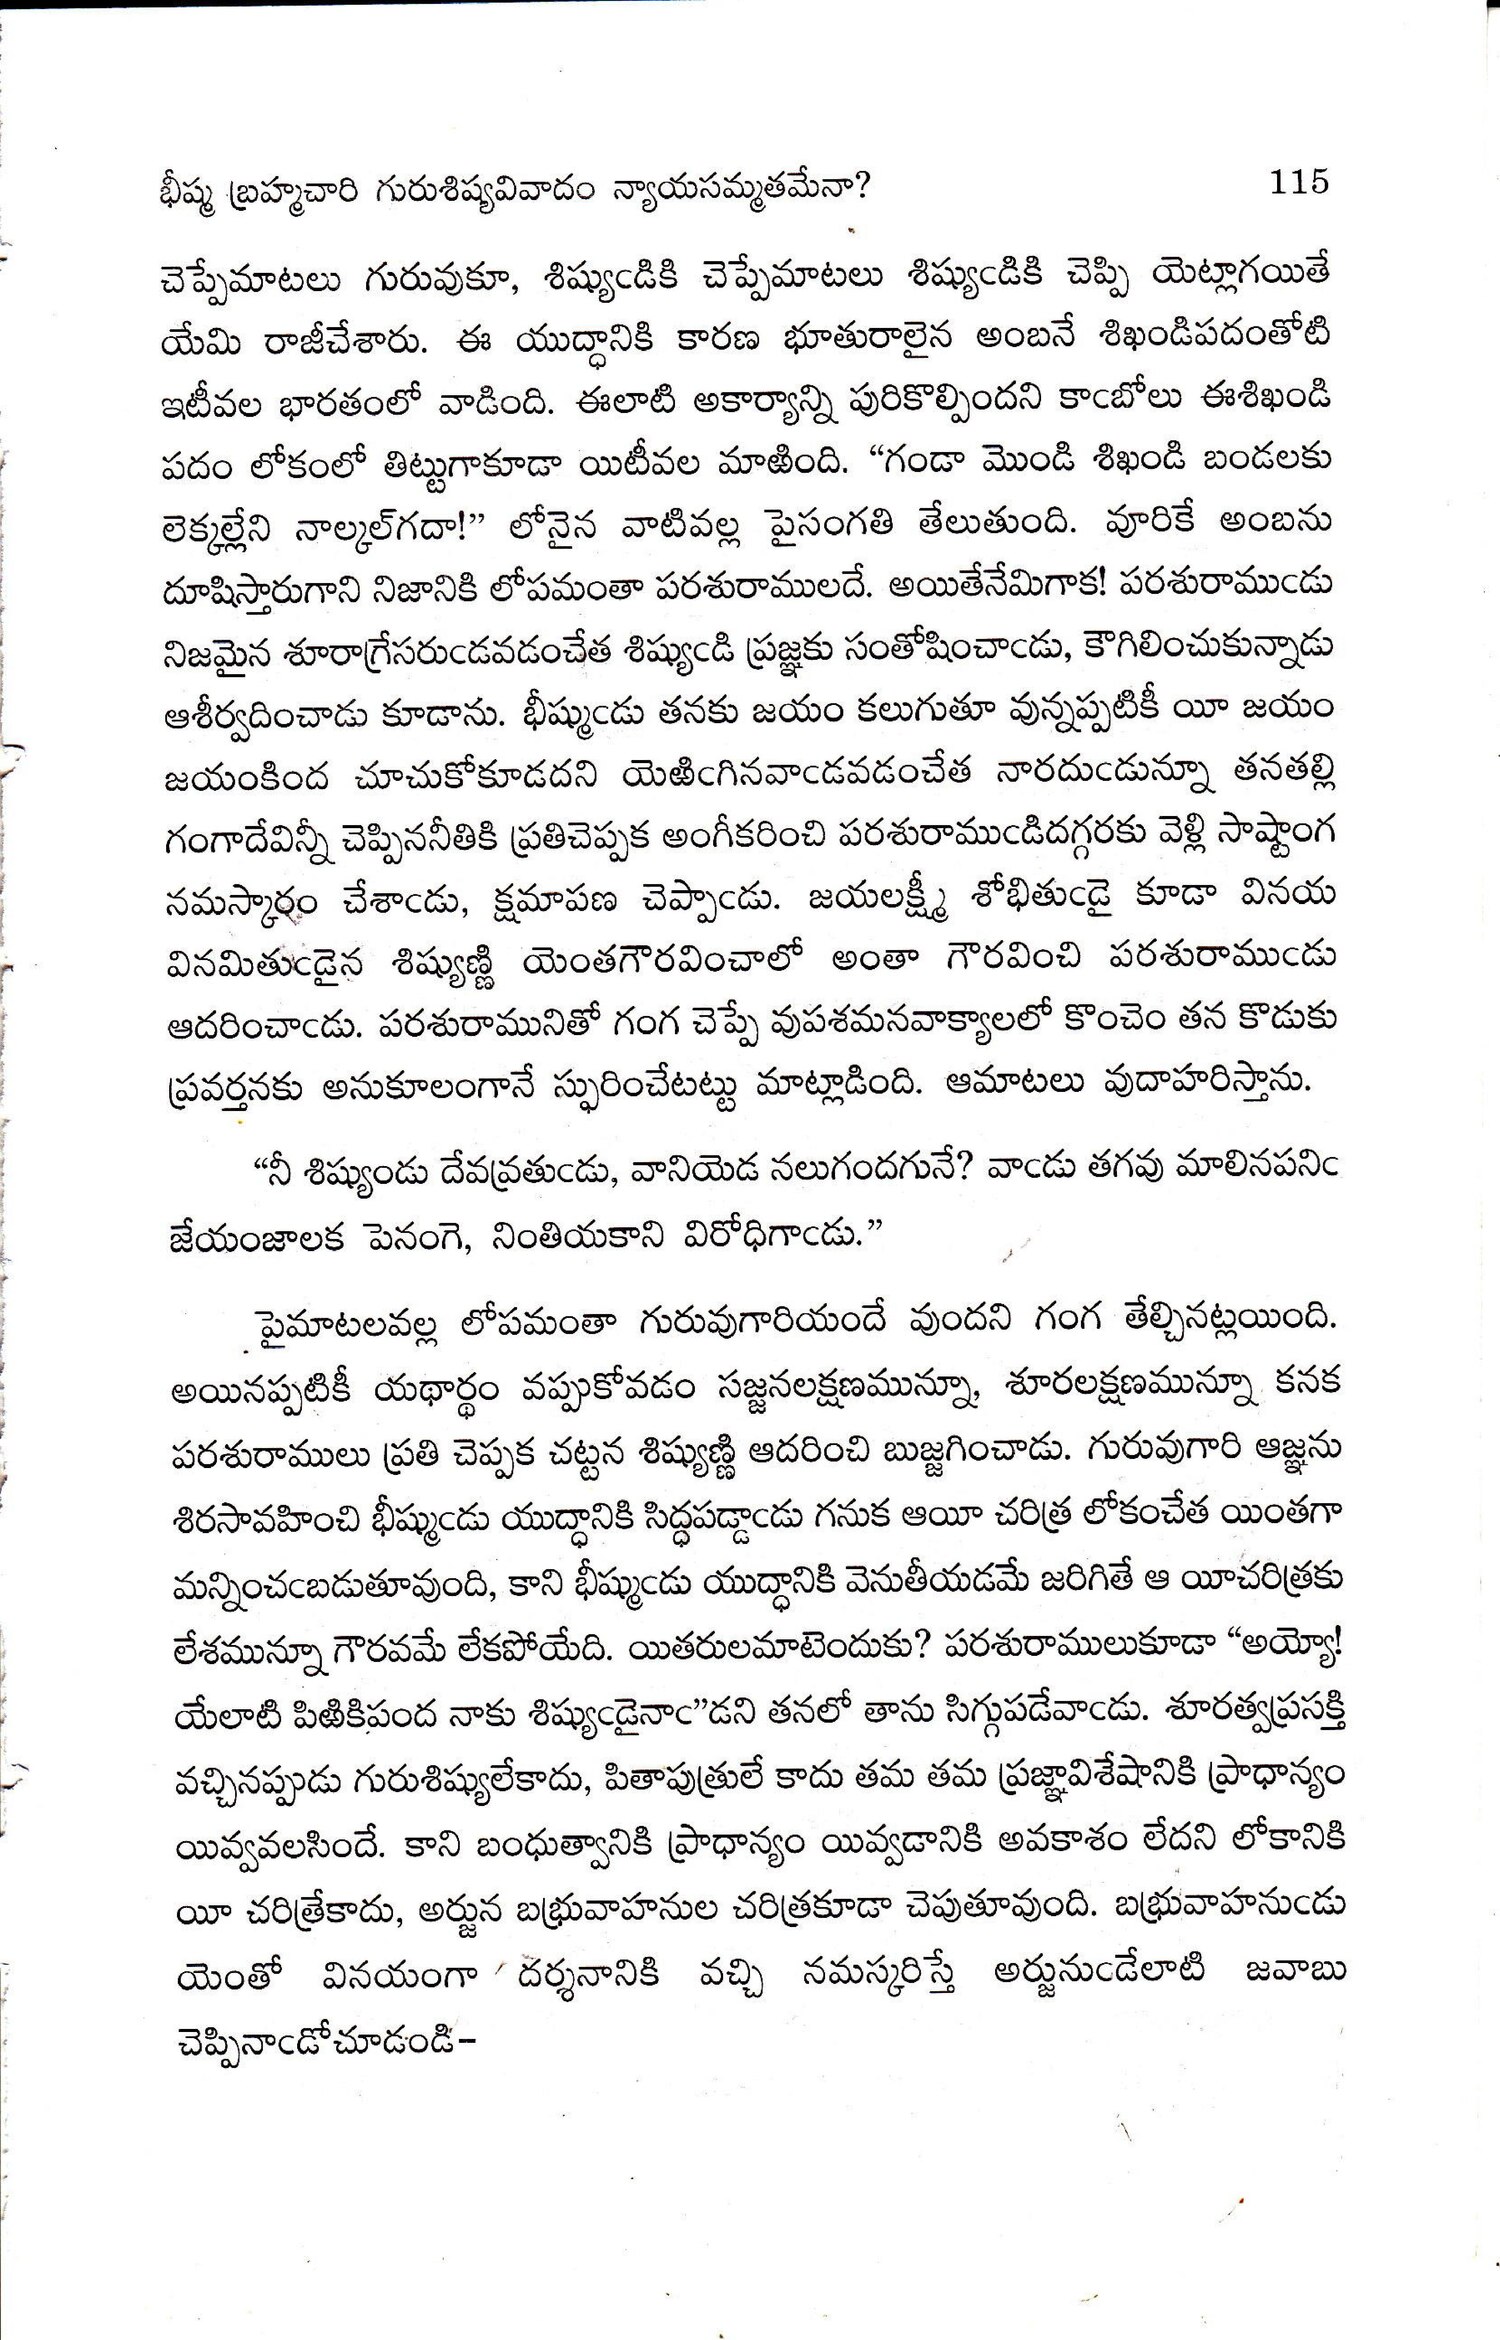చెప్పేమాటలు గురువుకూ, శిష్యుండికి చెప్పేమాటలు శిష్యుండికి చెప్పి యెట్లాగయితే యేమి రాజీచేశారు. ఈ యుద్ధానికి కారణ భూతురాలైన అంబనే శిఖండిపదంతోటి ఇటీవల భారతంలో వాడింది. ఈలాటి అకార్యాన్ని పురికొల్పిందని కాంబోలు ఈశిఖండి పదం లోకంలో తిట్టుగాకూడా యిటీవల మాటింది. "గండా మొండి శిఖండి బండలకు లెక్కల్లేని నాల్కల్గదా!" లోనైన వాటివల్ల పైసంగతి తేలుతుంది. వూరికే అంబను దూషిస్తారుగాని నిజానికి లోపమంతా పరశురాములదే. అయితేనేమిగాక! పరశురాముండు నిజమైన శూరాగ్రేసరుండవడంచేత శిష్యుండి ప్రజ్ఞకు సంతోషించాండు, కౌగిలించుకున్నాడు ఆశీర్వదించాడు కూడాను. భీష్ముండు తనకు జయం కలుగుతూ వున్నప్పటికీ యీ జయం జయంకింద చూచుకోకూడదని యొఱింగినవాండవడంచేత నారదుండున్నూ తనతల్లి గంగాదేవిన్నీ చెప్పిననీతికి ప్రతిచెప్పక అంగీకరించి పరశురాముండిదగ్గరకు వెళ్లి సాష్టాంగ నమస్కారం చేశాండు, క్షమాపణ చెప్పాండు. జయలక్ష్మీ శోభితుండై కూడా వినయ వినమితుండైన శిష్యుణ్ణి యెంతగౌరవించాలో అంతా గౌరవించి పరశురాముండు ఆదరించాండు. పరశురామునితో గంగ చెప్పే వుపశమనవాక్యాలలో కొంచెం తన కొడుకు ప్రవర్తనకు అనుకూలంగానే స్ఫురించేటట్టు మాట్లాడింది. ఆమాటలు వుదాహరిస్తాను.

"నీ శిష్యుండు దేవవ్రతుండు, వానియెడ నలుగందగునే? వాండు తగవు మాలినపనిఁ జేయంజాలక పెనంగె, నింతియుకాని విరోధిగాండు."

పైమాటలవల్ల లోపమంతా గురువుగారియందే వుందని గంగ తేల్చినట్లయింది. అయినప్పటికీ యథార్థం వప్పుకోవడం సజ్జనలక్షణమున్నూ, శూరలక్షణమున్నూ కనక పరశురాములు ప్రతి చెప్పక చట్టన శిష్యుణ్ణి ఆదరించి బుజ్జగించాడు. గురువుగారి ఆజ్ఞను శిరసావహించి భీష్మండు యుద్ధానికి సిద్ధపడ్డాండు గనుక ఆయి చరిత్ర లోకంచేత యింతగా మన్నించంబడుతూవుంది, కాని భీష్ముండు యుద్ధానికి వెనుతీయడమే జరిగితే ఆ యీచరిత్రకు లేశమున్నూ గౌరవమే లేకపోయేది. యితరులమాటెందుకు? పరశురాములుకూడా "అయ్యో! యేలాటి పిటికిపంద నాకు శిష్యుండైనాఁడని తనలో తాను సిగ్గుపడేవాఁడు. శూరత్వప్రసక్తి వచ్చినప్పుడు గురుశిష్యులేకాదు, పితాపుత్రులే కాదు తమ తమ ప్రజ్ఞావిశేషానికి ప్రాధాన్యం యివ్వవలసిందే. కాని బంధుత్వానికి ప్రాధాన్యం యివ్వడానికి అవకాశం లేదని లోకానికి యీ చరిత్రేకాదు, అర్జున బభ్రువాహనుల చరిత్రకూడా చెపుతూవుంది. బభ్రువాహనుండు యెంతో వినయంగా దర్శనానికి వచ్చి నమస్కరిస్తే అర్జునుండేలాటి జవాబు చెప్పినాండోచూడండి -